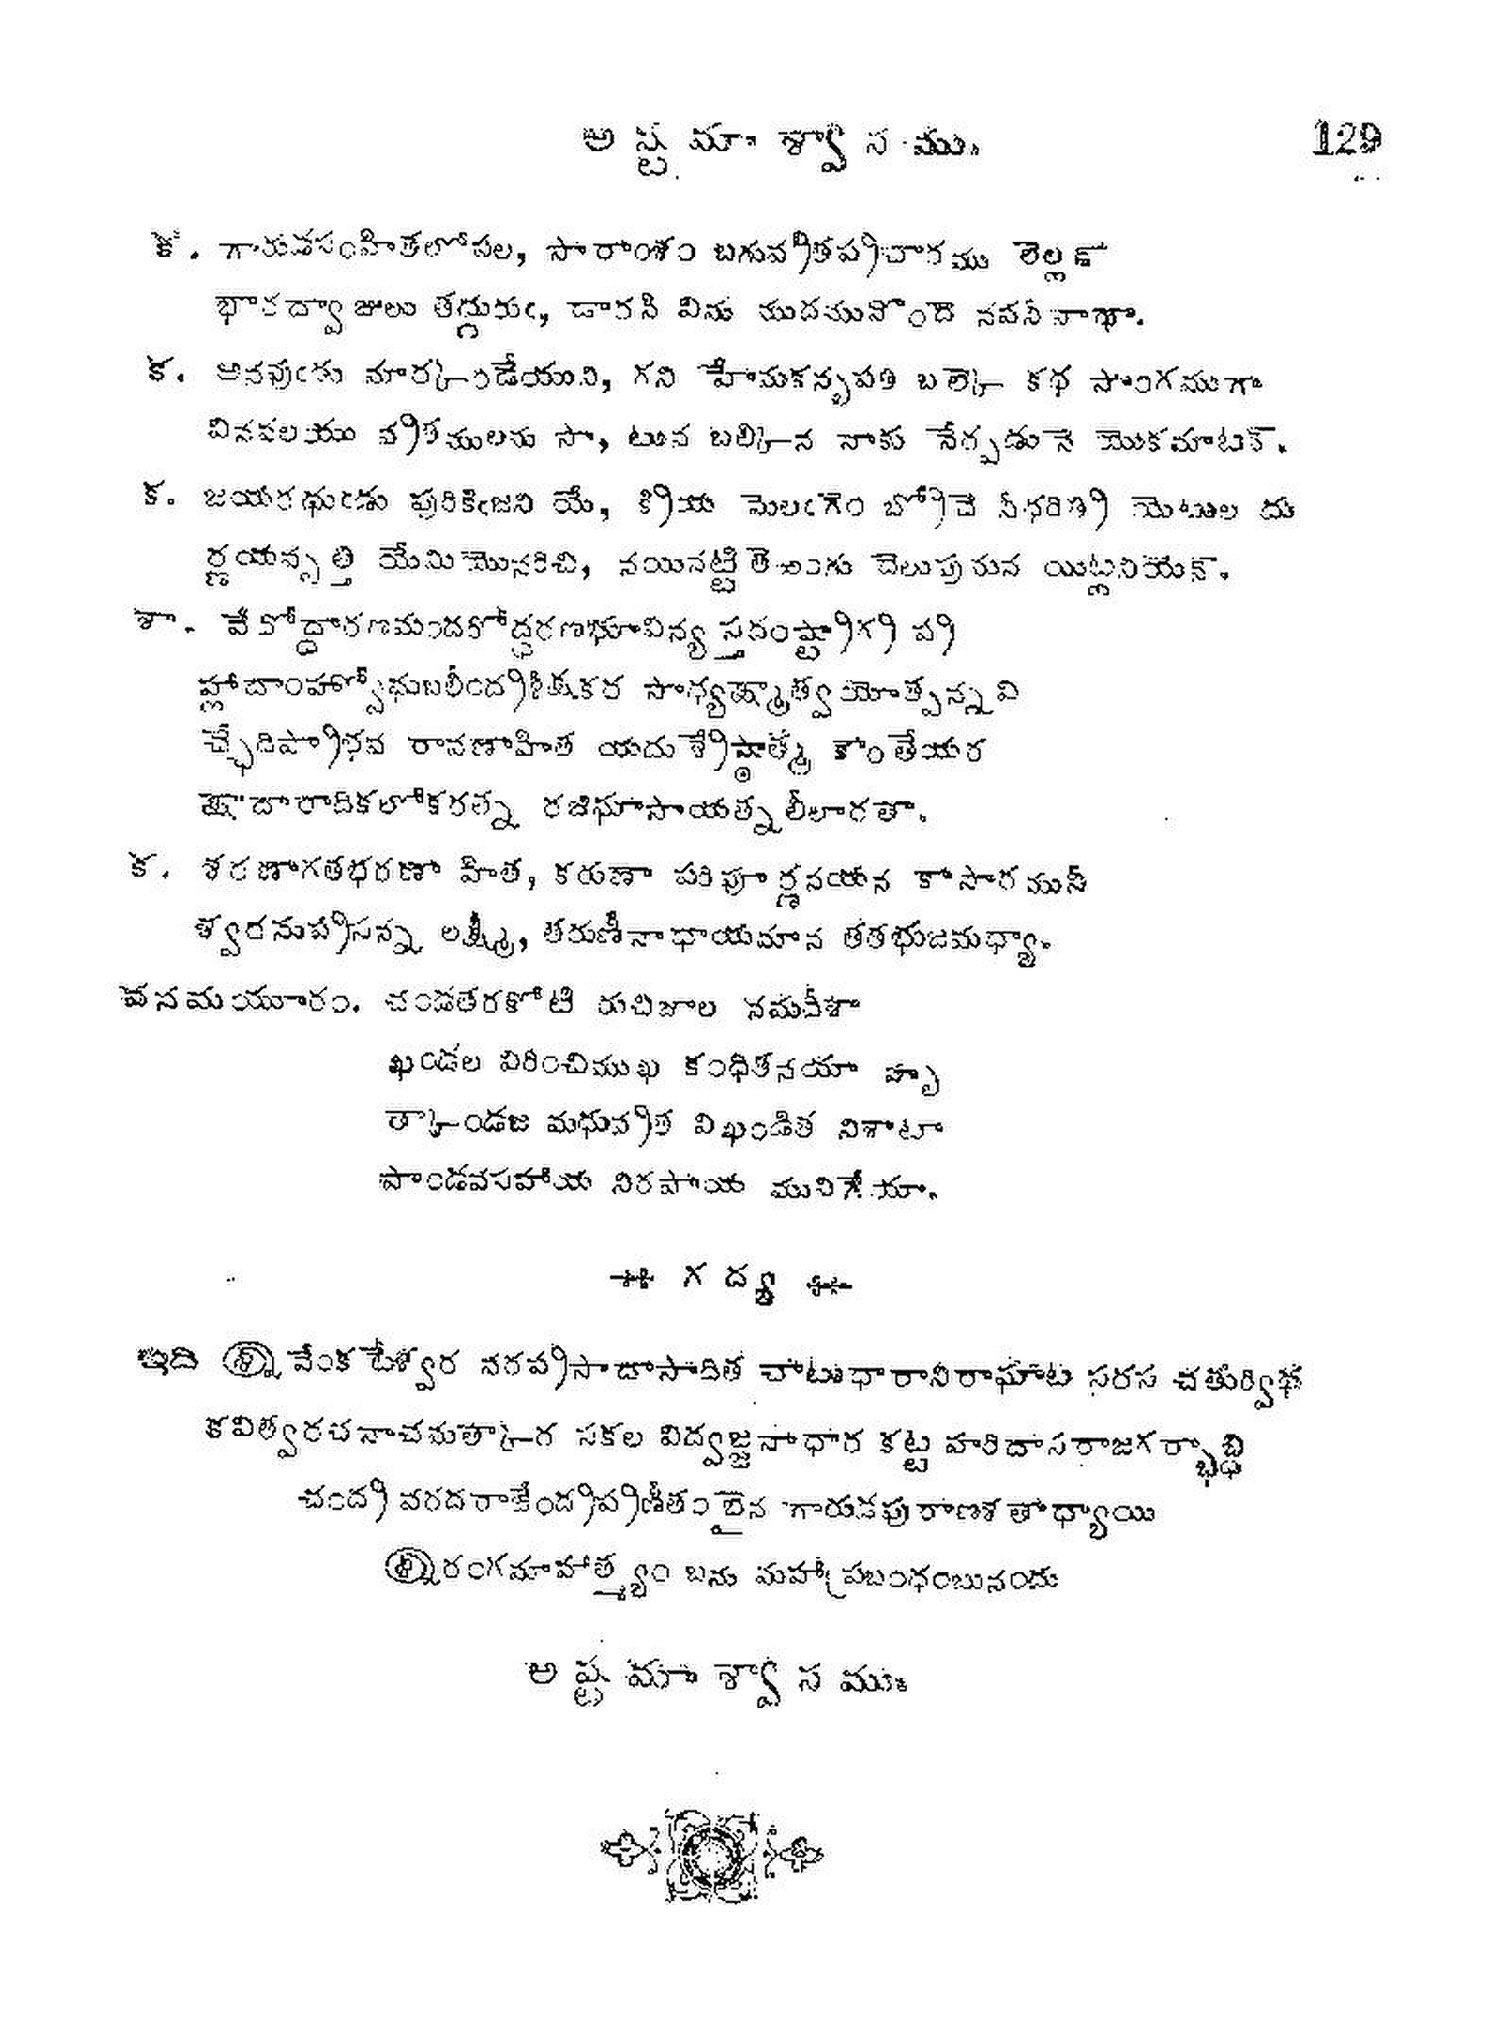క. గారుడసంహితలోపల, సారాంశం బగువ్రతప్రచారము లెల్లన్
 భారద్వాజులు తద్గురుఁ, డారసి విను ముదమునొందె నవనీనాథా.
క. అనవుఁడు మార్కండేయుని, గని హేమకనృపతి బల్కె కథ సాంగముగా
 వినవలయు వ్రతములను సా, టున బల్కిన నాకు నేర్పడునె యొకమాటన్.
క. జయరథుడు పురికిఁజని యే, క్రియ మెలఁగెం బ్రోచ నీధరిత్రి యెటుల దు
 ర్ణయవృత్తి యేమి యొనరిచి, నయినట్టి తెఱంగు దెలుపు మన యిట్లనియెన్.
శా. వేదోద్దారణమందరోద్ధరణభూవిన్యస్తదంష్ట్రాగ్రప్ర
 హ్లాదాంహ్యోధుబలీంద్రశిక్షకర సాధ్యక్ష్మాత్వయోత్పన్నవి
 చ్ఛేదిప్రాభవ రావణాహిత యదుశ్రేష్ఠాత్మ కౌంతేయర
 క్షాదారాదికలోకరత్న రజిఘాసాయత్నలీలారతా.
క. శరణాగతభరణా హిత, కరుణా పరిపూర్ణనయన కాసారమునీ
 శ్వర సుప్రసన్న లక్ష్మీ, తరుణీనాథాయమాన తతభుజమధ్యా.
వనమయూరం. చండతరకోటి రుచిజాల నమదీశా
 ఖండల విరించిముఖ కంధితనయా హృ
 త్కాండజ మధువ్రత విఖండిత నిశాటా
 పాండవసహాయ నిరపాయ మునిగేయా.